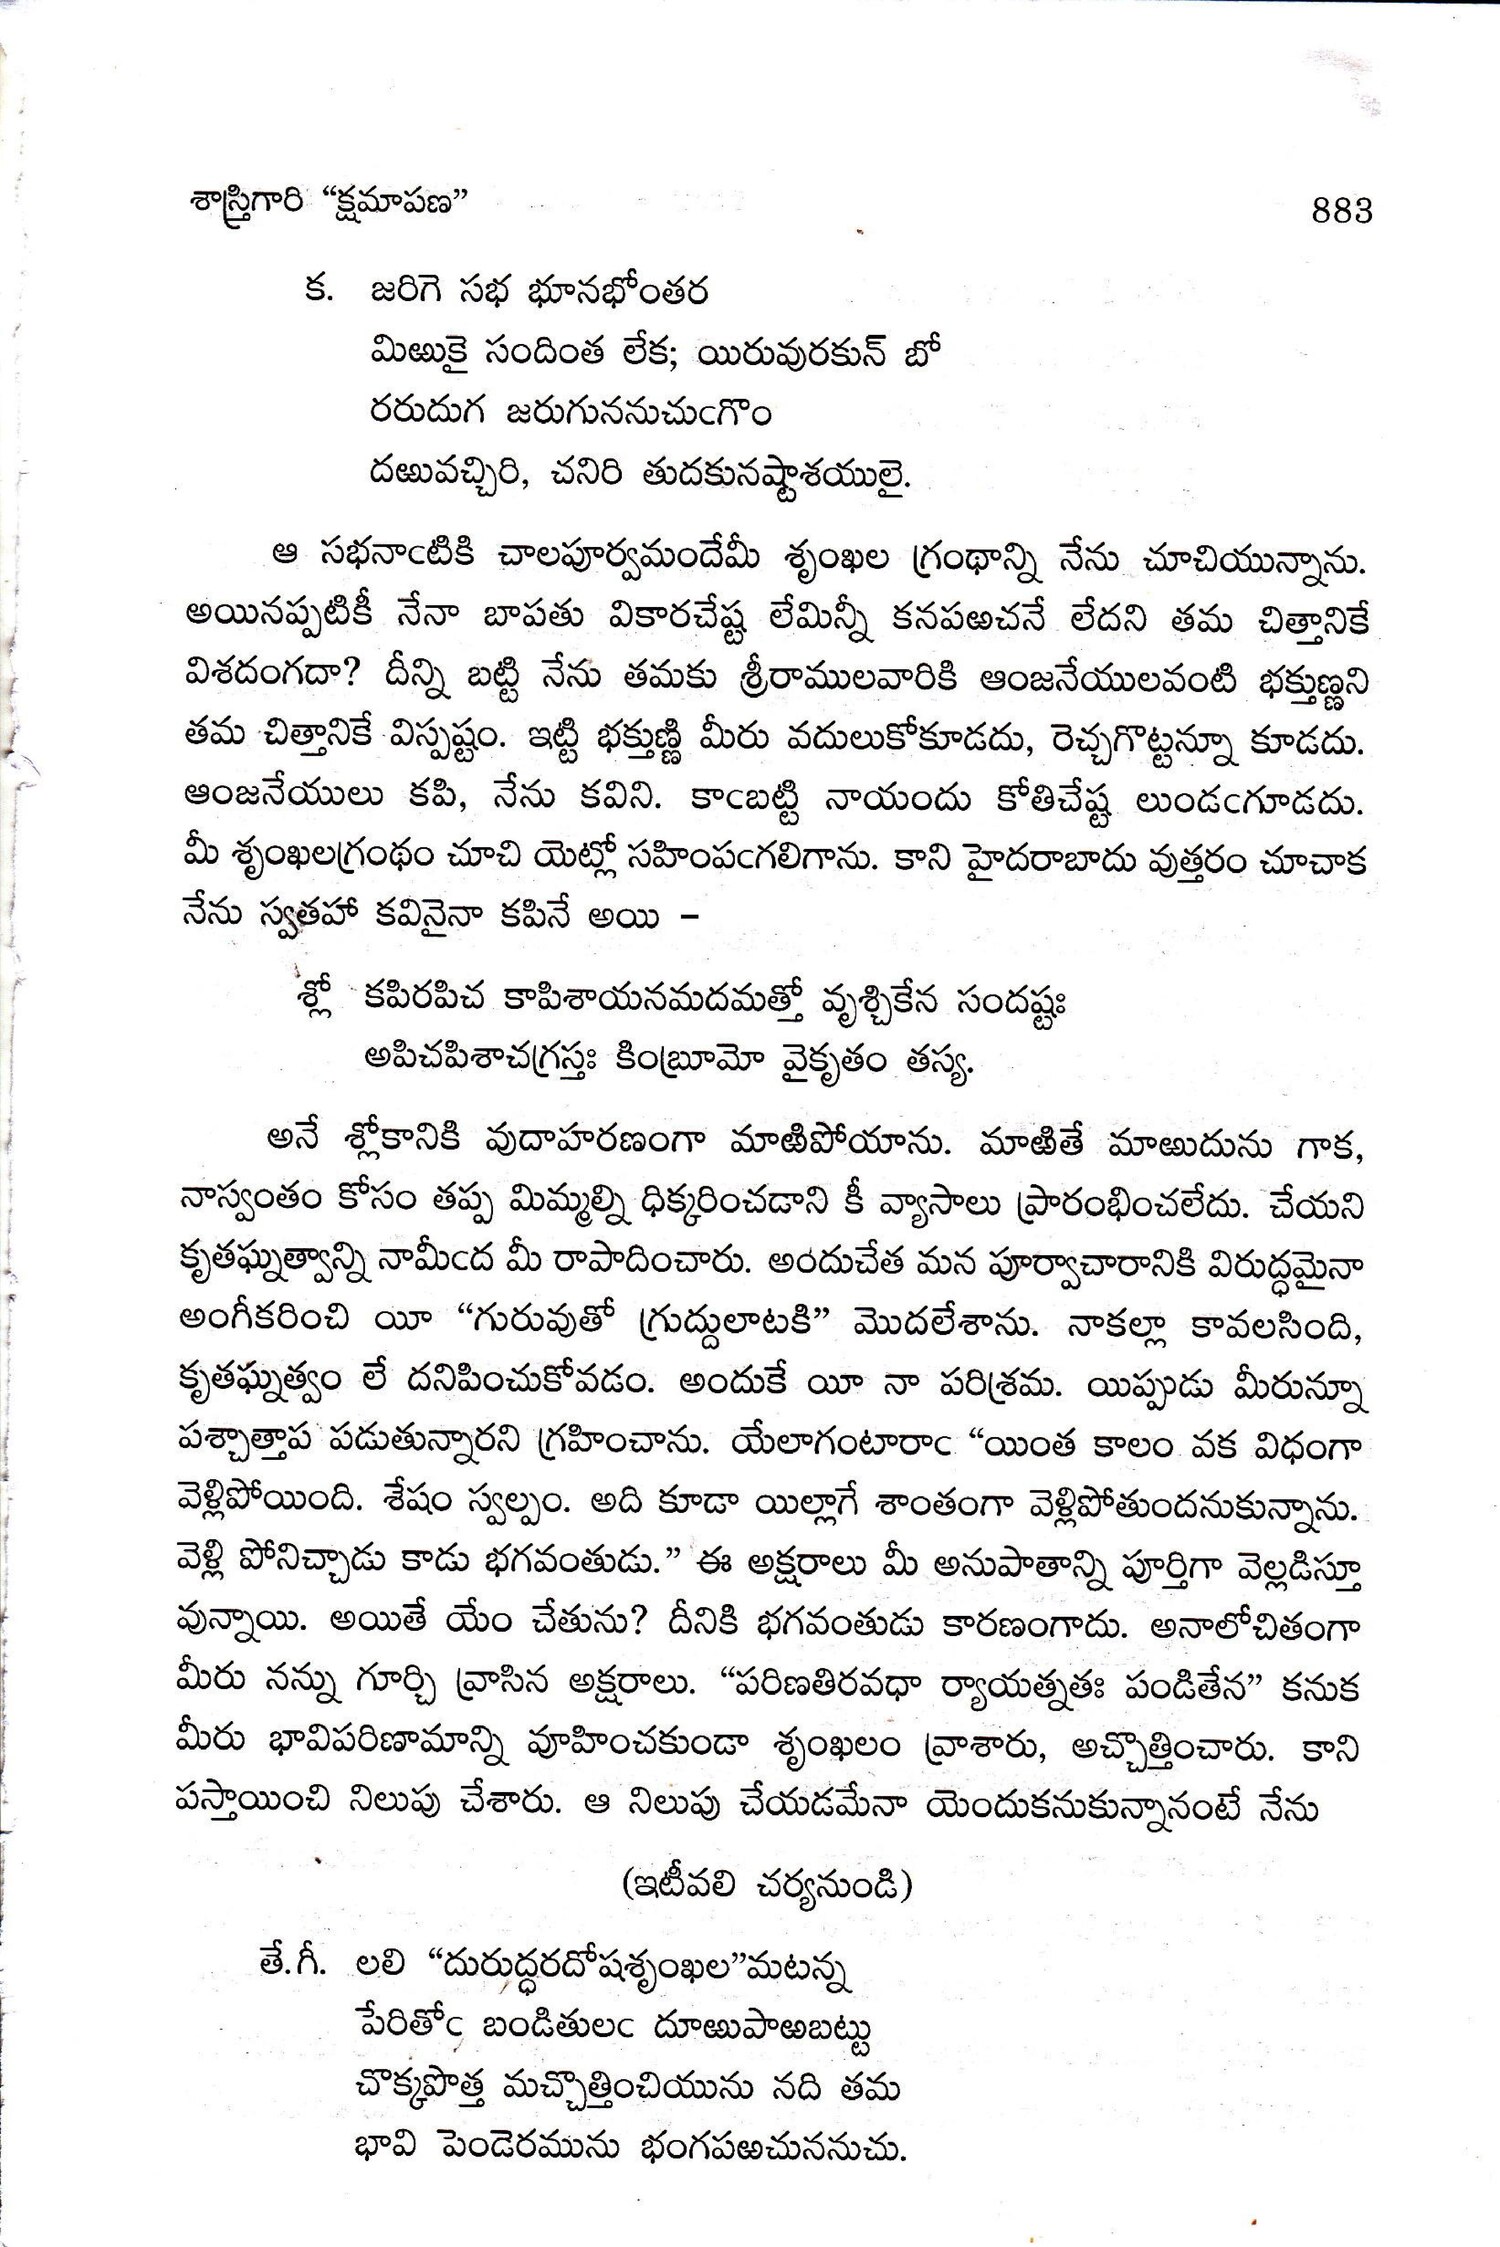క. జరిగె సభ భూనభోంతర 
 మిఱుకై సందింత లేక; యిరువురకున్ బో 
 రరుదుగ జరుగుననుచుఁగొం 
 దఱువచ్చిరి, చనిరి తుదకునష్టాశయులై.
ఆ సభనాఁటికి చాలపూర్వమందేమీ శృంఖల గ్రంథాన్ని నేను చూచియున్నాను. అయినప్పటికీ నేనా బాపతు వికారచేష్ట లేమిన్నీ కనపఱచనే లేదని తమ చిత్తానికే విశదంగదా? దీన్ని బట్టి నేను తమకు శ్రీరాములవారికి ఆంజనేయులవంటి భక్తుణ్ణని తమ చిత్తానికే విస్పష్టం. ఇట్టి భక్తుణ్ణి మీరు వదులుకోకూడదు, రెచ్చగొట్టన్నూ కూడదు. ఆంజనేయులు కపి, నేను కవిని. కాఁబట్టి నాయందు కోతిచేష్ట లుండఁగూడదు. మీ శృంఖలగ్రంథం చూచి యెట్లో సహింపఁగలిగాను. కాని హైదరాబాదు వుత్తరం చూచాక నేను స్వతహా కవినైనా కపినే అయి -

శ్లో కపిరపిచ కాపిశాయనమదమత్తో వృశ్చికేన సందష్టః
 అపిచపిశాచగ్రస్తః కింబ్రూమో వైకృతం తస్య.
అనే శ్లోకానికి వుదాహరణంగా మాఱిపోయాను. మాఱితే మాఱుదును గాక, నాస్వంతం కోసం తప్ప మిమ్మల్ని ధిక్కరించడాని కీ వ్యాసాలు ప్రారంభించలేదు. చేయని కృతఘ్నత్వాన్ని నామీఁద మీ రాపాదించారు. అందుచేత మన పూర్వాచారానికి విరుద్ధమైనా అంగీకరించి యీ “గురువుతో గ్రుద్దులాటకి" మొదలేశాను. నాకల్లా కావలసింది, కృతఘ్నత్వం లే దనిపించుకోవడం. అందుకే యీ నా పరిశ్రమ. యిప్పుడు మీరున్నూ పశ్చాత్తాప పడుతున్నారని గ్రహించాను. యేలాగంటారాఁ “యింత కాలం వక విధంగా వెళ్లిపోయింది. శేషం స్వల్పం. అది కూడా యిల్లాగే శాంతంగా వెళ్లిపోతుందనుకున్నాను. వెళ్లి పోనిచ్చాడు కాడు భగవంతుడు." ఈ అక్షరాలు మీ అనుపాతాన్ని పూర్తిగా వెల్లడిస్తూ వున్నాయి. అయితే యేం చేతును? దీనికి భగవంతుడు కారణంగాదు. అనాలోచితంగా మీరు నన్ను గూర్చి వ్రాసిన అక్షరాలు. "పరిణతిరవధా ర్యాయత్నతః పండితేన" కనుక మీరు భావిపరిణామాన్ని వూహించకుండా శృంఖలం వ్రాశారు, అచ్చొత్తించారు. కాని పస్తాయించి నిలుపు చేశారు. ఆ నిలుపు చేయడమేనా యెందుకనుకున్నానంటే నేను

తే.గీ. లలి "దురుద్ధరదోషశృంఖల"మటన్న
 పేరితోఁ బండితులఁ దూఱుపాఱబట్టు 
 చొక్కపొత్త మచ్చొత్తించియును నది తమ 
 భావి పెండెరమును భంగపఱచుననుచు.